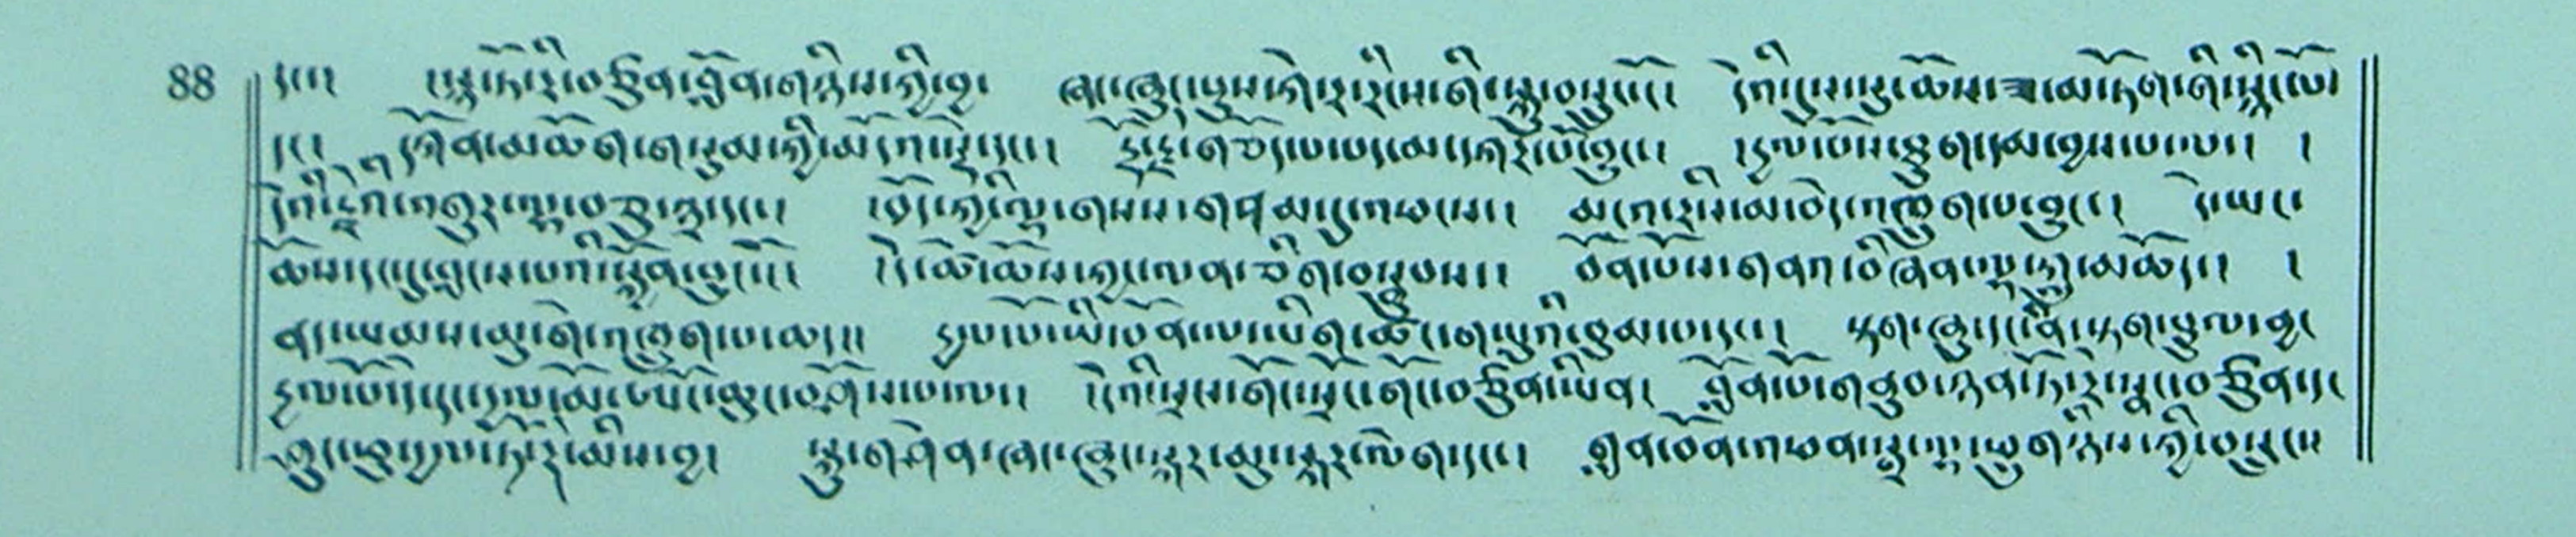དང་། སྙ་ཏོ་རི་བཙུན་བློན་གཉིས་ཀྱི་བྱ། ཞང་ཞུང་པུས་ཀེ་ར་རིངས་ཀྱི་སྐུ་བསྲུངས། དེའི་དུས་སུ་ཆོས་ཟ་མ་ཏོག་གི་སྙིང་པོ་
དང་། དཀོན་མཆོག་གསུམ་གྱི་མདོ་སྡེ་དང་། རྡོ་རྗེ་གཅོད་པ་པད་མ་དཀར་པོ་བྱུང་། རྒྱལ་པོས་ཐུགས་དམ་བྱས་པ་ལ། 
དེའི་རྗེའི་མགུར་ལྷ་བཅུ་གསུམ་དང་། བོད་ཀྱི་ལྷ་གསས་གནམ་དུ་འཕངས། མངའ་རིས་མ་བདེ་འཁྲུགས་པ་བྱུང་། དེ་ཡང་
ཆོས་དང་དུ་བླངས་པའི་སྐྱོན་བྱུང་ངོ་། །དེའི་ཚེ་ཆོས་ཀྱང་ལན་གཅིག་བསྣུབས་སོ། །བོན་པོའི་གནའ་བཞིན་ལྷ་ཀླུ་མཆོད། 
ནད་ཡམས་དང་མུ་གེ་འཁྲུག་པ་ཆད། རྒྱལ་པོ་ཡི་བོན་ལ་ཡིག་ཚང་གཡུ་ཡི་བུམ་པ་དང་། སྟག་ཞུ་དང་ནི་སྟག་ཐུལ་གནང་། 
རྒྱལ་བོ་དེ་དང་རྒྱལ་མོ་ཨོང་ཆུང་བཤོས་པ་ལ། དེའི་སྲས་གོང་སྲོང་གོང་བཙུན་ཡིན། བློན་པོ་གནུབ་གཉན་ཏོ་རེ་སྣང་བཙུན་དང་། 
ཤུད་ཕུ་རྒྱལ་ཏོ་ར་མིས་བྱས། སྐུ་གཤེན་ཞང་ཞུང་སྐར་མུ་སྐར་ལེགས་དང་། གླན་བོན་འཕན་སྒྲ་ལྷ་ཕྲུག་གཉིས་ཀྱི་བསྲུངས།